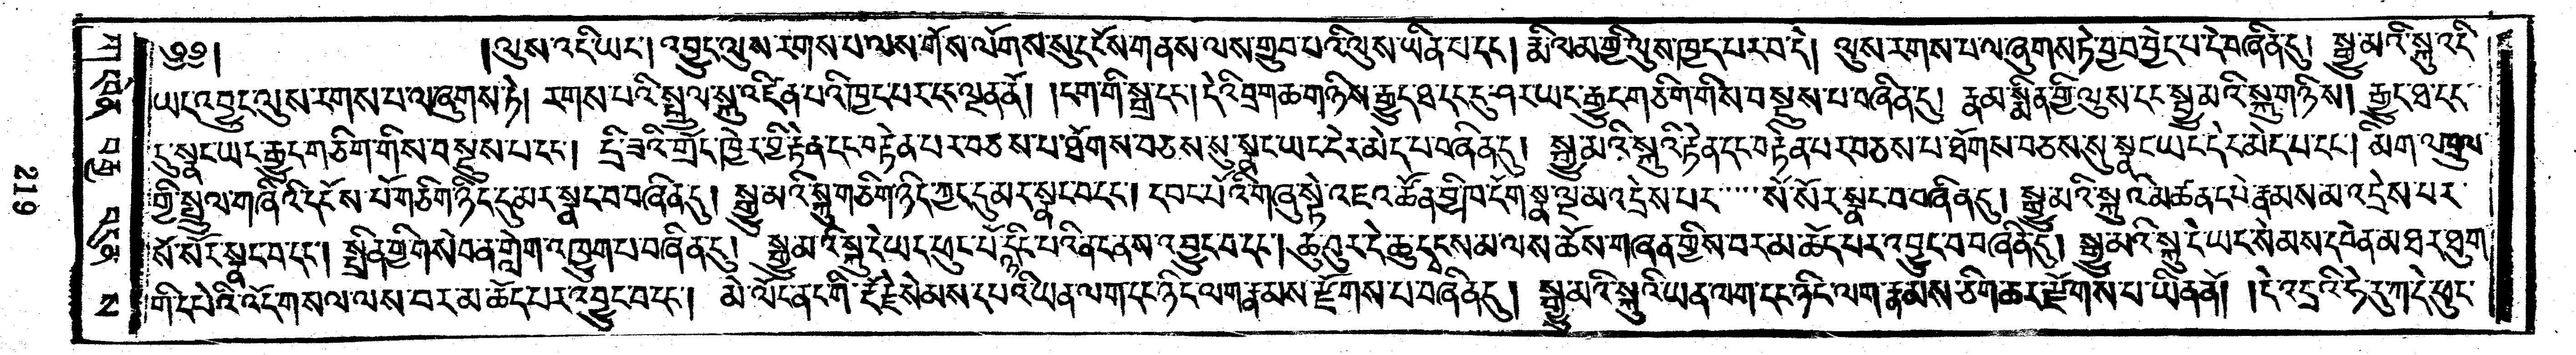༄༅། །ལུས་འདི་ཡང་། འབྱུང་ལུས་རགས་པ་ལས་གོས་ལོགས་སུ་དངོས་གནས་ལས་གྲུབ་པའི་ལུས་ཡིན་པ་དང་། རྨི་ལམ་གྱི་ལུས་ཁྱད་པར་བདེ། ལུས་རགས་པ་ལ་ཞུགས་ཏེ་བྱ་བ་བྱེད་པ་དེ་བཞིན་དུ། སྒྱུ་མའི་སྐུ་འདི་
ཡང་འབྱུང་ལུས་རགས་པ་ལ་ཞུགས་ཏེ། རགས་པའི་སྤྲུལ་སྐུ་འཛིན་པའི་ཁྱད་པར་དང་ལྡན་ནོ། །ངག་གི་སྒྲ་དང་། དེའི་བྲག་ཆ་གཉིས་རྒྱུད་ཐ་དང་དུ་ཤར་ཡང་རྒྱུད་གཅིག་གིས་བསྡུས་པ་བཞིན་དུ། རྣམ་སྨིན་གྱི་ལུས་དང་སྒྱུ་མའི་སྐུ་གཉིས། རྒྱུད་ཐ་དད་
དུ་སྣང་ཡང་རྒྱུད་གཅིག་གིས་བསྡུས་པ་དང་། དྲི་ཟའི་གྲོང་ཁྱེར་གྱི་རྟེན་དང་བརྟེན་པར་བཅས་པ་ཐོགས་བཅས་སུ་སྣང་ཡང་དེར་མེད་པ་བཞིན་དུ། སྒྱུ་མའི་སྐུའི་རྟེན་དང་བརྟེན་པར་བཅས་པ་ཐོགས་བཅས་སུ་སྣང་ཡང་དེར་མེད་པ་དང་། མིག་འཁྲུལ་
གྱི་སྤྲུལ་གཞིའི་དངོས་པོ་གཅིག་ཉིད་དུ་མར་སྣང་བ་བཞིན་དུ། སྒྱུ་མའི་སྐུ་གཅིག་ཉིད་ཀྱང་དུ་མར་སྣང་བ་དང་། དབང་པོའི་གཞུ་སྟེ་འཇའ་ཚོན་བྱི་ཁ་དོག་སྣ་ལྔ་མ་འདྲེས་པར་སོ་སོར་སྣང་བ་བཞིན་དུ། སྒྱུ་མའི་སྐུའི་མཚན་དཔེ་རྣམས་མ་འདྲེས་པར་
སོ་སོར་སྣང་བ་དང་། སྤྲིན་གྱི་གསེབ་ན་གླེག་འཁྱུག་པ་བཞིན་དུ། སྒྱུ་མའི་སྐུ་དེ་ཡང་ཕུང་པོ་རྙིང་པའི་ནང་ནས་འབྱུང་བ་དང་། ཆུ་བུར་དེ་ཆུ་དྭངས་མ་ལས་ཆོས་གཞན་གྱིས་བར་མ་ཆོད་པར་འབྱུང་བ་བཞིན་དུ། སྒྱུ་མའི་སྐུ་དེ་ཡང་སེམས་དབེན་མཐར་ཐུག་
གི་དཔེའི་འོད་གསལ་ལས་བར་མ་ཆོད་པར་འབྱུང་བ་དང་། མེ་ལོང་ནང་གི་རྡོ་རྗེ་སེམས་དཔའི་ཡན་ལག་དང་ཉིད་ལག་རྣམས་རྫོགས་པ་བཞིན་དུ། སྒྱུ་མའི་སྐུའི་ཡན་ལག་དང་ཉིད་ལག་རྣམས་ཅིག་ཆར་རྫོགས་པ་ཡིན་ནོ། །དེ་འདྲའི་ཧེ་རུ་ཀ་དེ་ཕུང་